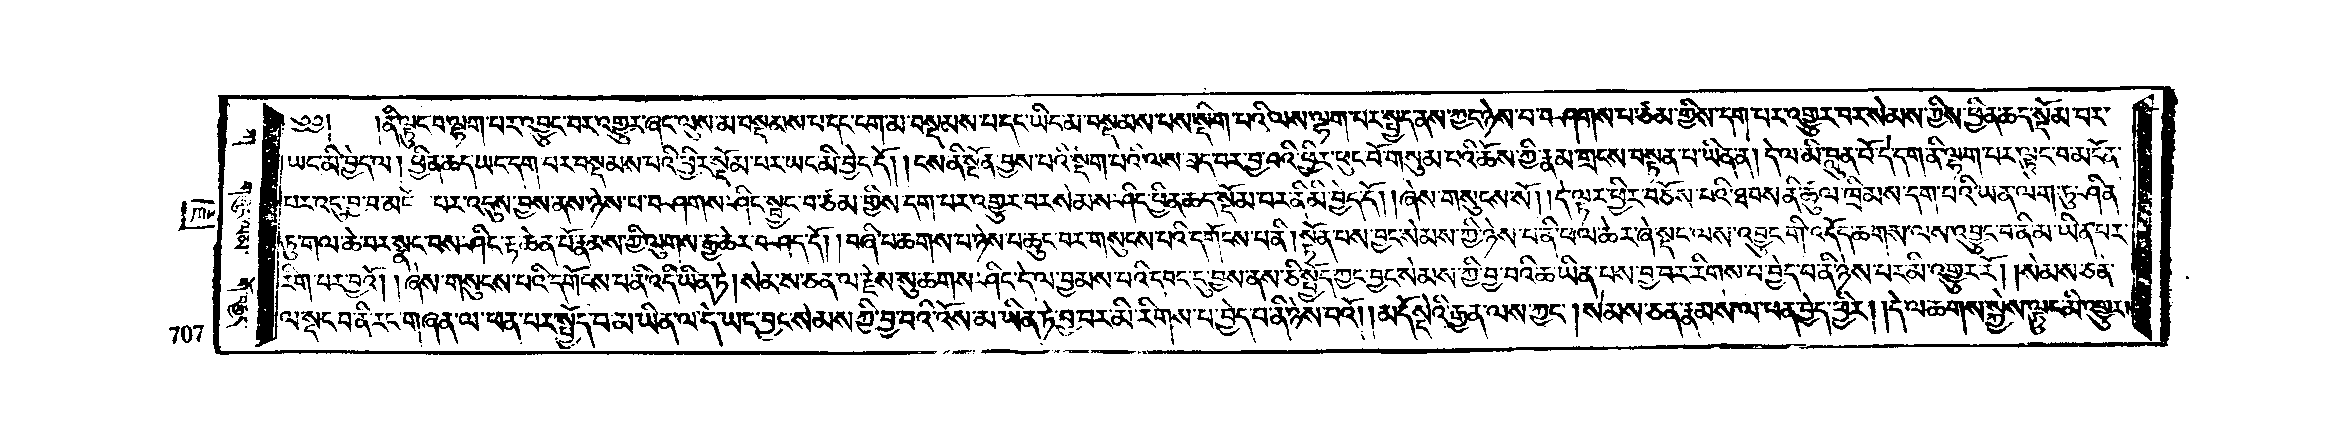༄༅། །ནི་ལྟུང་བ་ལྷག་པར་འབྱུང་བར་འགྱུར་ཞང་ལུས་མ་བསྡམས་པ་དང་ངག་མ་བསྡམས་པ་དང་ཡིད་མ་བསྡམས་པས་སྡིག་པའི་ལས་ལྷག་པར་སྤྱད་ནས་ཀྱང་ཉེས་པ་བཤགས་པ་ཙམ་གྱིས་དག་པར་འགྱུར་བར་སེམས་ཀྱིས་ཕྱིན་ཆད་སྡོམ་པར་
ཡང་མི་བྱེད་ལ། ཕྱིན་ཆད་ཡང་དག་པར་བསྡམས་པའི་ཕྱིར་སྡོམ་པར་ཡང་མི་བྱེད་དོ། །ངས་ནི་སྔོན་བྱས་པའི་སྡིག་པའི་ལས་ཟད་པར་བྱ་བའི་ཕྱིར་ཕུང་པོ་གསུམ་པའི་ཆོས་ཀྱི་རྣམ་གྲངས་བསྟན་པ་ཡིན་ན། དེ་ལ་མི་བླུན་པོ་དེ་དག་ནི་ལྷག་པར་ལྟུང་བ་མངོན་
པར་འདུ་བྱ་བ་མངོན་པར་འདུས་བྱས་ནས་ཉེས་པ་བཤགས་ཤིང་སྦྱང་བ་ཙམ་གྱིས་དག་པར་འགྱུར་བར་སེམས་ཤིང་ཕྱིན་ཆད་སྡོམ་པར་ནི་མི་བྱེད་དོ། །ཞེས་གསུངས་སོ། །དེ་ལྟར་ཕྱིར་བཅོས་པའི་ཐབས་ནི་ཚུལ་ཁྲིམས་དག་པའི་ཡན་ལག་ཏུ་ཤིན་
ཏུ་གལ་ཆེ་བར་སྣང་བས་ཤིང་རྟ་ཆེན་པོ་རྣམས་ཀྱི་ལུགས་རྒྱ་ཆེར་བཤད་དོ། །བཞི་པ་ཆགས་པ་ཉེས་པ་ཆུང་བར་གསུངས་པའི་དགོངས་པ་ནི། སྟོན་པས་བྱང་སེམས་ཀྱི་ཉེས་པ་ནི་ཕལ་ཆེར་ཞེ་སྡང་ལས་འབྱུང་གི་འདོད་ཆགས་ལས་འབྱུང་བ་ནི་མ་ཡིན་པར་
རིག་པར་བྱའོ། །ཞེས་གསུངས་པའི་དགོངས་པ་ནི་འདི་ཡིན་ཏེ། སེམས་ཅན་ལ་རྗེས་སུ་ཆགས་ཤིང་དེ་ལ་བྱམས་པའི་དབང་དུ་བྱས་ནས་ཅི་སྤྱོད་ཀྱང་བྱང་སེམས་ཀྱི་བྱ་བའི་ཆ་ཡིན་པས་བྱ་བར་རིགས་པ་བྱེད་པ་ནི་ཉེས་པར་མི་འགྱུར་རོ། །སེམས་ཅན་
ལ་སྡང་བ་ནི་རང་གཞན་ལ་ཕན་པར་སྤྱོད་པ་མ་ཡིན་ལ་དེ་ཡང་བྱང་སེམས་ཀྱི་བྱ་བའི་འོས་མ་ཡིན་ཏེ་བྱ་བར་མི་རིགས་པ་བྱེད་པ་ནི་ཉེས་པའོ། །མདོ་སྡེའི་རྒྱན་ལས་ཀྱང་། སེམས་ཅན་རྣམས་ལ་ཕན་བྱེད་ཕྱིར། །དེ་ལ་ཆགས་སྐྱེས་ལྟུང་མི་འགྱུར།